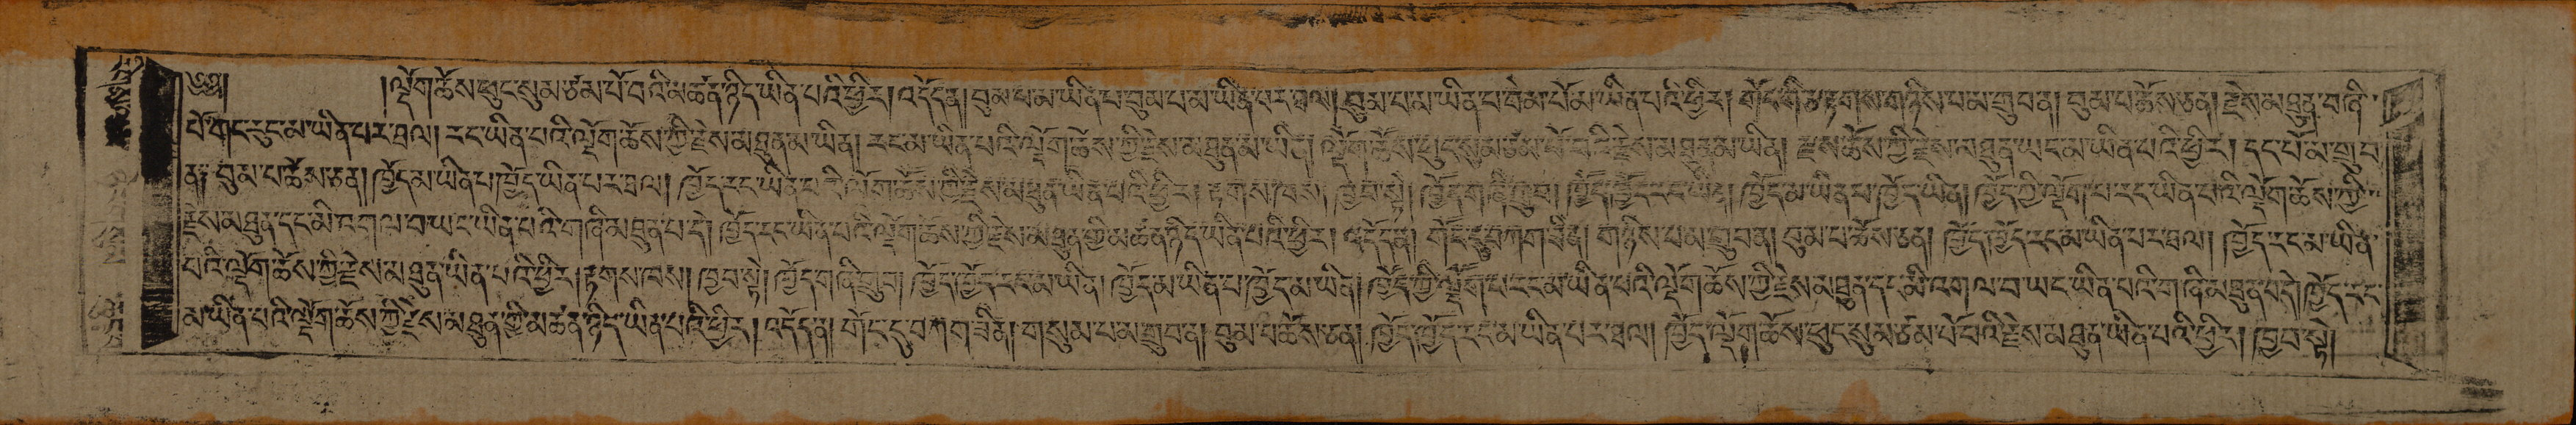༄༅། །ལྡོག་ཆོས་ཕུང་སུམ་ཙམ་པོ་བའི་མཚན་ཉིད་ཡིན་པའི་ཕྱིར། འདོད་ན། བུམ་པ་མ་ཡིན་པ་བུམ་པ་མ་ཡིན་པར་ཐལ། བུམ་པ་མ་ཡིན་པ་བེམ་པོ་མ་ཡིན་པའི་ཕྱིར། གོང་གི་རྩ་རྟགས་གཉིས་པ་མ་གྲུབ་ན། བུམ་པ་ཆོས་ཅན། རྗེས་མཐུན་བཞི་
པོ་གང་རུང་མ་ཡིན་པར་ཐལ། རང་ཡིན་པའི་ལྡོག་ཆོས་ཀྱི་རྗེས་མཐུན་མ་ཡིན། རང་མ་ཡིན་པའི་ལྡོག་ཆོས་ཀྱི་རྗེས་མཐུན་མ་ཡིན། ལྡོག་ཆོས་ཕུང་སུམ་ཙམ་པོ་བའི་རྗེས་མཐུན་མ་ཡིན། རྫས་ཆོས་ཀྱི་རྗེས་མཐུན་ཡང་མ་ཡིན་པའི་ཕྱིར། དང་པོ་མ་གྲུབ་
ན༑ བུམ་པ་ཆོས་ཅན། ཁྱོད་མ་ཡིན་པ་ཁྱོད་ཡིན་པར་ཐལ། ཁྱོད་རང་ཡིན་པའི་ལྡོག་ཆོས་ཀྱི་རྗེས་མཐུན་ཡིན་པའི་ཕྱིར། རྟགས་ཁས། ཁྱབ་སྟེ། ཁྱོད་གཞི་གྲུབ། ཁྱོད་ཁྱོད་རང་ཡིན། ཁྱོད་མ་ཡིན་པ་ཁྱོད་ཡིན། ཁྱོད་ཀྱི་ལྡོག་པ་རང་ཡིན་པའི་ལྡོག་ཆོས་ཀྱི་
རྗེས་མཐུན་དང་མི་འགལ་བ་ཡང་ཡིན་པའི་གཞི་མཐུན་པ་དེ། ཁྱོད་རང་ཡིན་པའི་ལྡོག་ཆོས་ཀྱི་རྗེས་མཐུན་གྱི་མཚན་ཉིད་ཡིན་པའི་ཕྱིར། འདོད་ན། གོང་དུ་བཀག་ཟིན། གཉིས་པ་མ་གྲུབ་ན། བུམ་པ་ཆོས་ཅན། ཁྱོད་ཁྱོད་རང་མ་ཡིན་པར་ཐལ། ཁྱོད་རང་མ་ཡིན་
པའི་ལྡོག་ཆོས་ཀྱི་རྗེས་མཐུན་ཡིན་པའི་ཕྱིར། རྟགས་ཁས། ཁྱབ་སྟེ། ཁྱོད་གཞི་གྲུབ། ཁྱོད་ཁྱོད་རང་མ་ཡིན། ཁྱོད་མ་ཡིན་པ་ཁྱོད་མ་ཡིན། ཁྱོད་ཀྱི་ལྡོག་པ་རང་མ་ཡིན་པའི་ལྡོག་ཆོས་ཀྱི་རྗེས་མཐུན་དང་མི་འགལ་བ་ཡང་ཡིན་པའི་གཞི་མཐུན་པ་དེ། ཁྱོད་རང་
མ་ཡིན་པའི་ལྡོག་ཆོས་ཀྱི་རྗེས་མཐུན་གྱི་མཚན་ཉིད་ཡིན་པའི་ཕྱིར། འདོད་ན། གོང་དུ་བཀག་ཟིན། གསུམ་པ་མ་གྲུབ་ན། བུམ་པ་ཆོས་ཅན། ཁྱོད་ཁྱོད་རང་མ་ཡིན་པར་ཐལ། ཁྱོད་ལྡོག་ཆོས་ཕུང་སུམ་ཙམ་པོ་བའི་རྗེས་མཐུན་ཡིན་པའི་ཕྱིར། ཁྱབ་སྟེ།